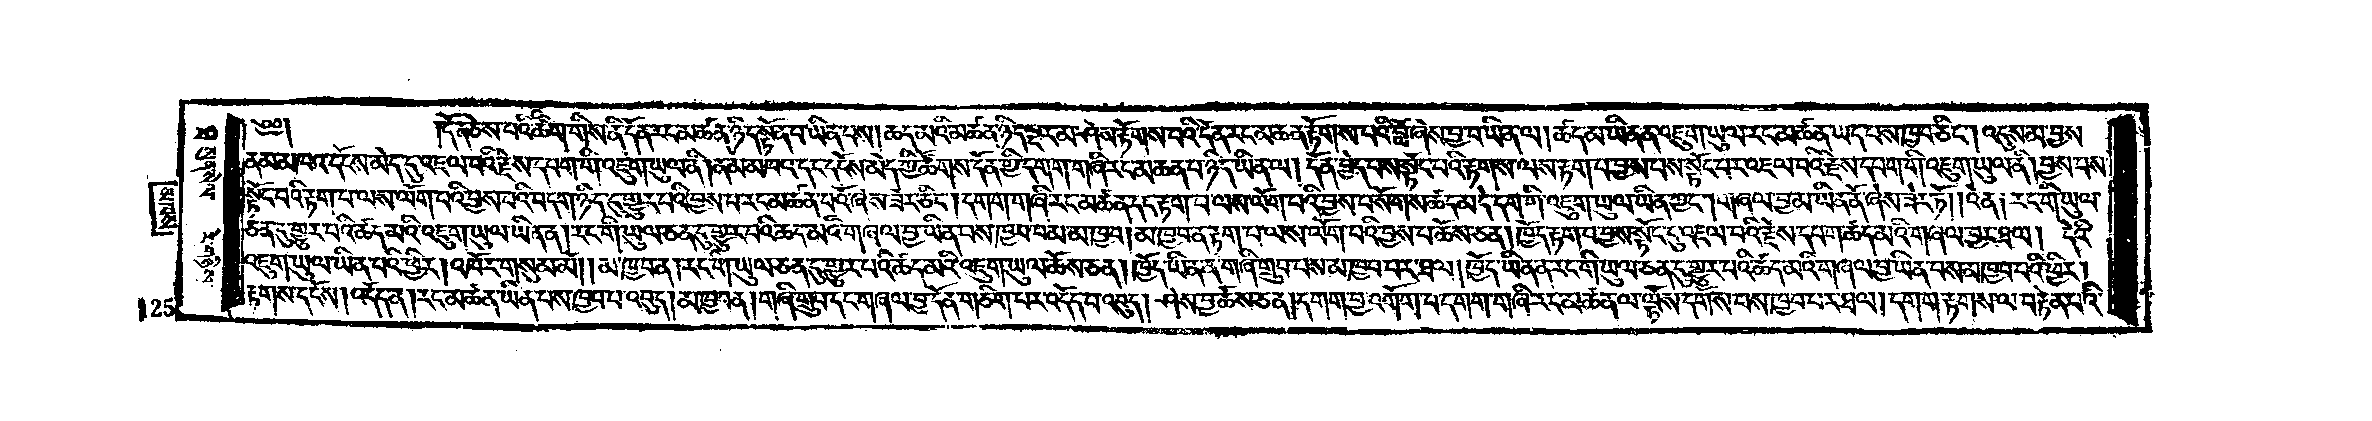༄༅། །དོན་ཅེས་པའི་ཚིག་གིས་ནི་དེ་ན་རང་མཚན་ཉིད་སྟོན་པ་ཡིན་པས། ཚད་མའི་མཚན་ཉིད་སྔར་མ་ཤེས་རྟོགས་པའི་དོན་རང་མཚན་རྟོགས་པའི་བློ་ཞེས་བྱ་བ་ཡིན་ལ། ཚད་མ་ཡིན་ན་འཇུག་ཡུལ་རང་མཚན་ཡོད་པས་ཁྱབ་ཅིང་། འདུས་མ་བྱས་
ནམ་མཁའ་དངས་མེད་དུ་འཇལ་བའི་རྗེས་དཔག་གི་འཇུག་ཡུལ་ནི། ནམ་མཁའ་དང་དངོས་མེད་ཀྱི་ཚོགས་དོན་གྱི་དགག་གཞི་རང་མཚན་པ་ཉིད་ཡིན་ལ། དོན་བྱེད་པས་སྟོང་པའི་རྟགས་ལས་རྟག་པ་བྱས་པས་སྟོང་པར་འཇལ་བའི་རྗེས་དཔག་གི་འཇུག་ཡུལ་ནི། བྱས་པས་
སྟོང་པའི་རྟག་པ་ལས་ལོག་པའི་བྱས་པའི་བདག་ཉིད་དུ་གྱུར་པའི་བྱས་པ་རང་མཚན་པའོ་ཞེས་ཟེར་ཅིང་། དགག་གཞི་རང་མཚན་དང་རྟག་པ་ལས་ལོག་པའི་བྱས་པ་སོགས་ཚད་མ་དེ་དག་གི་འཇུག་ཡུལ་ཡིན་ཀྱང་། གཞལ་བྱ་མ་ཡིན་ནོ་ཞེས་ཟེར་ཏོ། །འོ་ན། རང་གི་ཡུལ་
ཅན་དུ་གྱུར་པའི་ཚད་མའི་འཇུག་ཡུལ་ཡིན་ན། རང་གི་ཡུལ་ཅན་དུ་གྱུར་པའི་ཚད་མའི་གཞལ་བྱ་ཡིན་པས་ཁྱབ་བམ་མ་ཁྱབ། མ་ཁྱབ་ན་རྟག་པ་ལས་ལོག་པའི་བྱས་པ་ཆོས་ཅན། ཁྱོད་རྟག་པ་བྱས་སྟོང་དུ་འཇལ་བའི་རྗེས་དཔག་ཚད་མའི་གཞལ་བྱར་ཐལ། དེའི་
འཇུག་ཡུལ་ཡིན་པའི་ཕྱིར། འཁོར་གསུམ་མོ། །མ་ཁྱབ་ན། རང་གི་ཡུལ་ཅན་དུ་གྱུར་པའི་ཚད་མའི་འཇུག་ཡུལ་ཆོས་ཅན། ཁྱོད་ཡིན་ན་གཞི་གྲུབ་པས་མ་ཁྱབ་པར་ཐལ། ཁྱོད་ཡིན་ན་རང་གི་ཡུལ་ཅན་དུ་གྱུར་པའི་ཚད་མའི་གཞལ་བྱ་ཡིན་པས་མ་ཁྱབ་པའི་ཕྱིར།
རྟགས་དངོས། འདོད་ན། རང་མཚན་ཡིན་པས་ཁྱབ་པ་འབུད། མ་ཁྱབ་ན། གཞི་གྲུབ་དང་གཞལ་བྱ་དོན་གཅིག་པར་འདོད་པ་འབུད། ཤེས་བྱ་ཆོས་ཅན། དགག་བྱ་འགོག་པ་དགག་གཞི་རང་མཚན་ལ་ལྟོས་དགོས་པས་ཁྱབ་པར་ཐལ། དགག་རྟགས་ལ་བརྟེན་པའི་